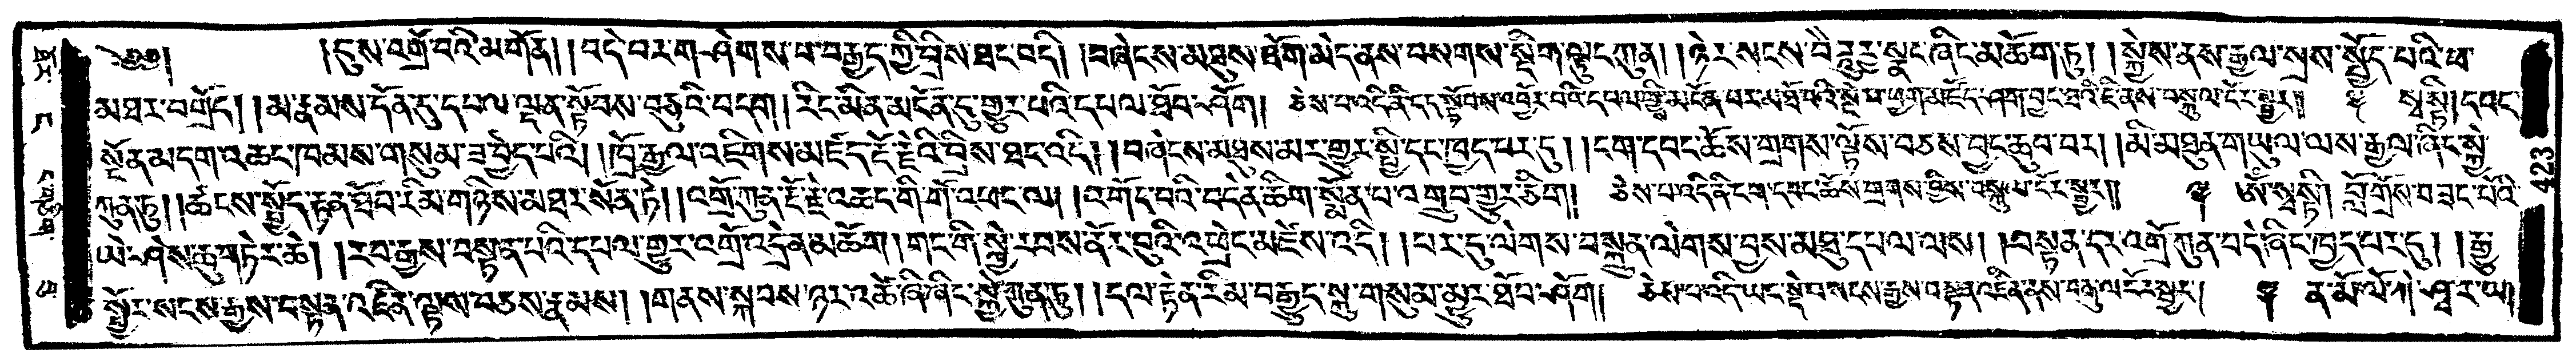༄༅། །དུས་འགྲོ་བའི་མགོན། །བདེ་བར་གཤེགས་པ་བརྒྱད་ཀྱི་བྲིས་ཐང་འདི། །བཞེངས་མཐུས་ཐོག་མེད་ནས་བསགས་སྡིག་ལྟུང་ཀུན། །ཉེར་སངས་བཻཌཱུརྱ་སྣང་ཞིང་མཆོག་ཏུ། །སྐྱེས་ནས་རྒྱལ་སྲས་སྤྱོད་པའི་ཕ་
མཐར་བགྲོད། །མ་རྣམས་དོན་དུ་དཔལ་ལྡན་སྟོབས་བཅུའི་བདག །རིང་མིན་མངོན་དུ་གྱུར་པའི་དཔལ་ཐོབ་ཤོག །ཅེས་པ་འདི་ནི་དད་སྟོབས་འབྱོར་བའི་དཔལ་གྱིས་མངོན་པར་མཐོ་བའི་སྡེ་པ་ཕྱག་མཛོད་ཤག་བྱང་ཐའི་ཇི་ནས་བསྐུལ་ངོར་སྦྱར།། ༈ སྭསྟི། དབང་
སྔོན་མདག་འཆང་ཁམས་གསུམ་ཟ་བྱེད་པའི། །ཁྲོ་རྒྱལ་འཇིགས་མཛད་རྡོ་རྗེའི་བྲིས་ཐང་འདི། །བཞེངས་མཐུས་མར་གྱུར་སྤྱི་དང་ཁྱད་པར་དུ། །ངག་དབང་ཆོས་གྲགས་ལྟོས་བཅས་བྱང་ཆུབ་བར། །མི་མཐུན་གཡུལ་ལས་རྒྱལ་ཞིང་སྐྱེ་
ཀུན་ཏུ། །ཚངས་སྤྱོད་རྟན་ཐོབ་རིམ་གཉིས་མཐར་སོན་ཏེ། །འགྲོ་ཀུན་རྡོ་རྗེ་འཆང་གི་གོ་འཕང་ལ། །འགོད་བའི་བདེན་ཚིག་སྨོན་པ་འགྲུབ་གྱུར་ཅིག །ཅེས་པ་འདི་ནི་ངག་དབང་ཆོས་གྲགས་བྱིས་བསྐུལ་ངོར་སྦྱར།། ༈ ཨོཾ་སྭསྟི། བློ་གྲོས་བཟང་པོའི་
ཡེ་ཤེས་ཆུ་གཏེར་ཆེ། །རབ་རྒྱས་བསྟན་པའི་དཔལ་གྱུར་འགྲོ་འདྲེན་མཆོག །གང་གི་སྐྱེ་རབས་ནོར་བུའི་འཕྲེང་མཛེས་འདི། །པར་དུ་ལེགས་བསྐྲུན་ལེགས་བྱས་མཐུ་དཔལ་ལས། །བསྟན་དར་འགྲོ་ཀུན་བདེ་ཞིང་ཁྱད་པར་དུ། །རྒྱུ་
སྦྱོར་སངས་རྒྱས་བསྟན་འཛིན་ལྟས་བཅས་རྣམས། །གནས་སྐབས་ཉར་འཚེ་ཞི་ཞིང་སྐྱེ་ཀུན་ཏུ། །དལ་རྟེན་རིམ་བརྒྱུད་སྐུ་གསུམ་མྱུར་ཐོབ་ཤོག །ཅེས་པ་འདི་ཡང་སྡེ་བ་སངས་རྒྱས་བསྟན་འཛིན་ནས་བཅུ་ལ་ངོར་སྦྱར།། ༈ ན་མོ་ལོ་ཀེ་ཤྭ་ར་ཡ།